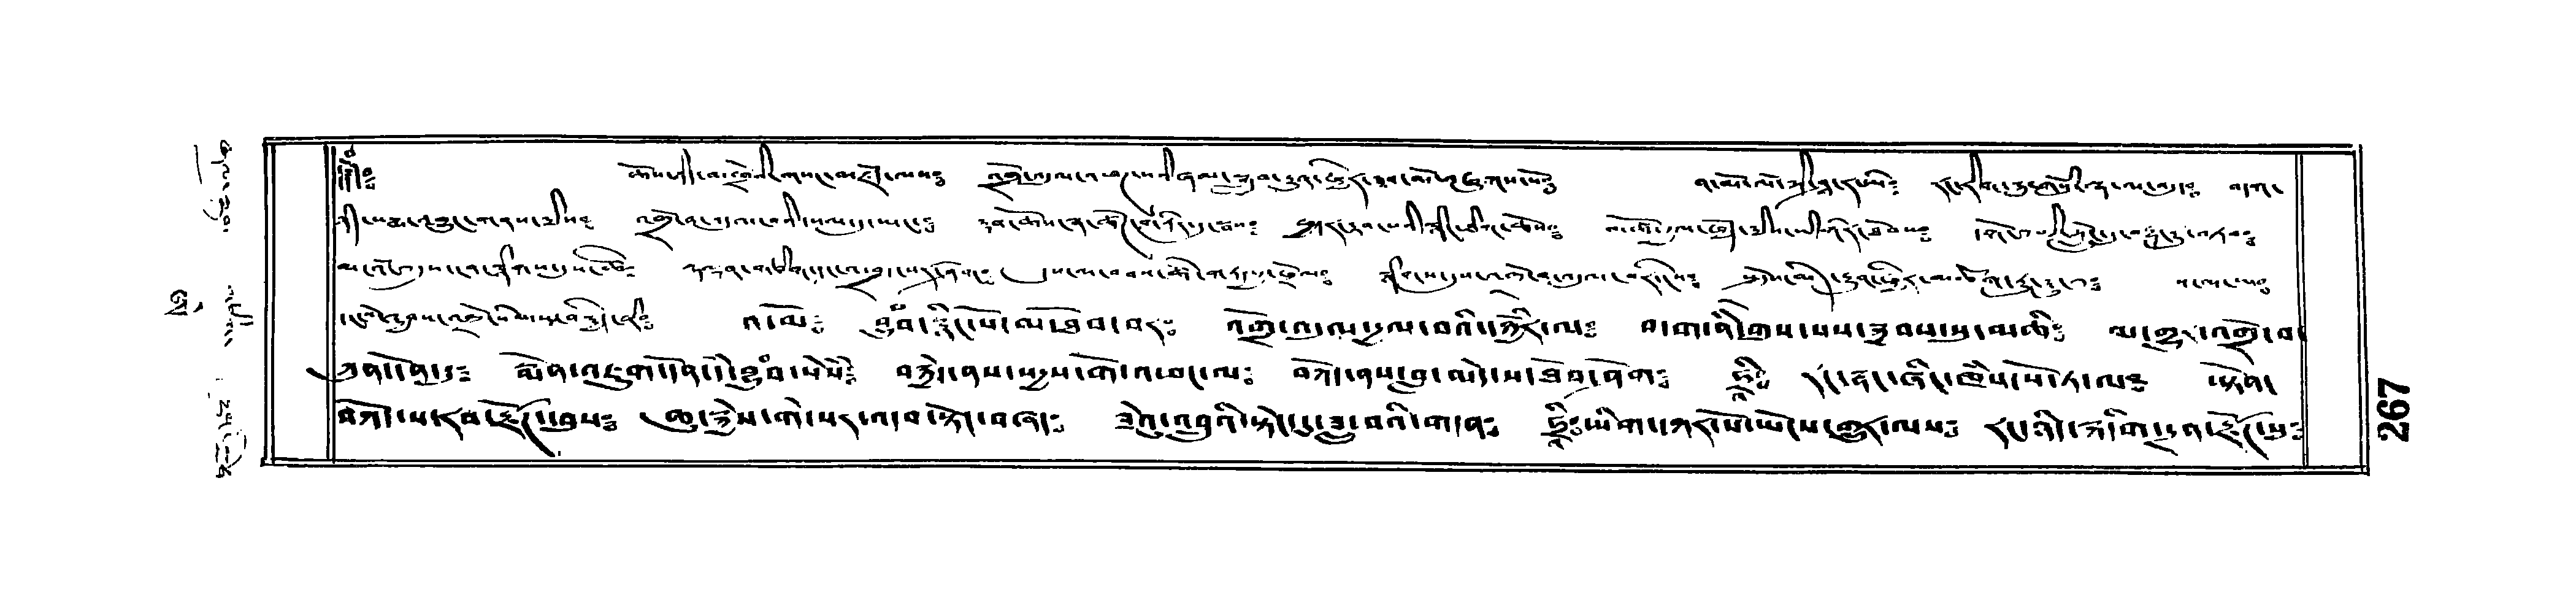ཆོས་ཉིད་མཁའ་འགྲོའི་གསང་མཛོད་ལས༔ འགྲོ་འདུལ་འཕགས་པའི་ཞལ་སྒྲུབ་རྒྱུན་ཁྱེར་ཟབ་མོ་བཞུགས་སོ༔ ན་མོ་ལོ་ཀི་ཤྭ་ར་ཡེ༔ རང་རིག་སྐུ་གསུམ་ལྷ་ལ་འདུད༔ བདག་
ཉིད་པདྨ་འབྱུང་གནས་ཀྱིས༔ འགྲོ་བ་འདུལ་བའི་དཔལ་དུ་ཡང༔ ཟབ་ཆོས་སྣ་ཚོགས་གཏེར་དུ་སྦས༔ ཁྱད་པར་ཟབ་པའི་སྙིང་ཐིག་ཆོས༔ མཚོ་རྒྱལ་ཁྱོད་ཀྱིས་ཡི་གེར་ཐོབས༔ དགོངས་པའི་ཀློང་དུ་བརྡ་རུ་བཏབ༔ 
མ་འོངས་དུས་ངན་སྙིགས་སུ་ཚེ༔ སྐལ་ལྡན་གཅིག་དང་འཕྲད་པར་ཤོག༔ དུས་ལ་བབས་ཚེ་གཏད་རྒྱ་ཕྲོལ༔ སྙིགས་དུས་འགྲོ་བ་འདུལ་བར་ངེས༔ སྤྲོས་མེད་རྒྱུན་ཁྱེར་མཆོག་ཏུ་ཟུངས༔ ས་མ་ཡ༔ 
དང་པོ་སྐྱབས་འགྲོ་སེམས་བསྐྱེད་ནི༔ ན་མོ༔ བྱང་ཆུབ་སྙིང་པོ་མ་ཐོབ་བར༔ འགྲོ་འདུལ་རྒྱལ་བའི་དཀྱིལ་འཁོར་ལ༔ བདག་ནི་གུས་པས་སྐྱབས་སུ་མཆི༔ མ་གྱུར་འགྲོ་བ་
ཀུན་དོན་དུ༔ སྨོན་འཇུག་དོན་དམ་བྱང་ཆུབ་སེམས༔ བསྐྱེད་ནས་སངས་རྒྱས་གོ་འཕང་ལ༔ བཀོད་ནས་བླ་མེད་ས་ཐོབ་ཤོག༔ ཧྲཱིཿ རང་སྣང་ཞིང་ཁམས་པོ་ཏ་ལ༔ ཡོན་ཏན་
བཀོད་པ་རབ་རྫོགས་དབུས༔ ཆུ་སྐྱེས་གེ་སར་འདབ་སྟོང་བཞད༔ ཟེའུ་འབྲུའི་སྟེང་དུ་ཟླ་བའི་གདན༔ ཧྲཱིཿཡིག་དཀར་པོ་ཡོངས་གྱུར་ལས༔ རང་ཉིད་སྐད་ཅིག་དྲན་རྫོགས་སུ༔